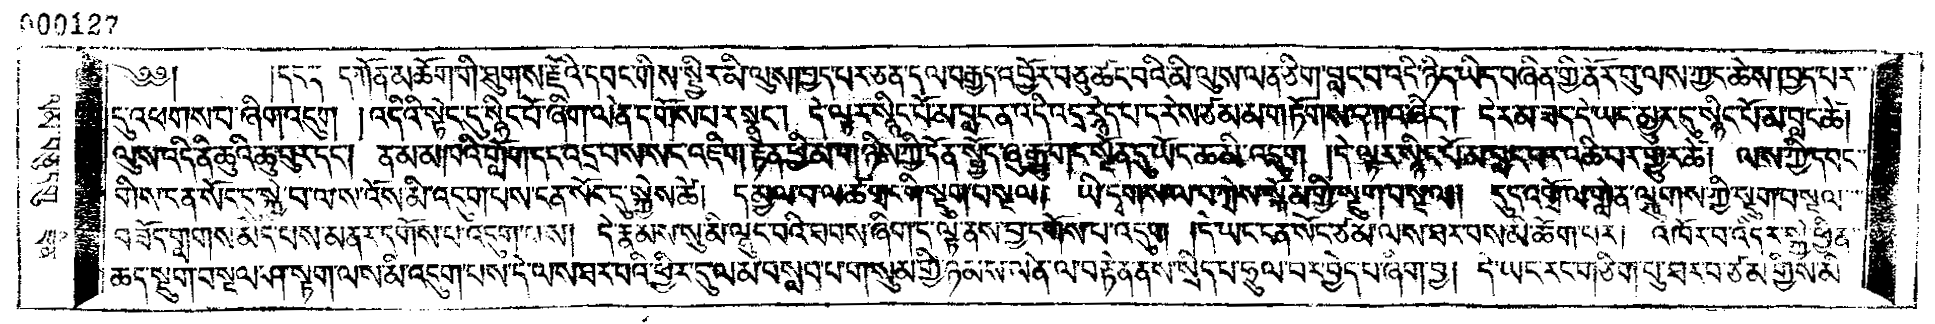༄༅། །དང་། དཀོན་མཆོག་གི་ཐུགས་རྗེའི་དབང་གིས་སྤྱིར་མི་ལུས་ཁྱད་པར་ཅན་དལ་བརྒྱད་འབྱོར་བཅུ་ཚང་བའི་མི་ལུས་ལན་ཅིག་བླང་བ་འདི་ཉིད་ཡིད་བཞིན་གྱི་ནོར་བུ་ལས་ཀྱང་ཆེས་ཁྱད་པར་
དུ་འཕགས་པ་ཞིག་འདུག །འདིའི་སྟེང་དུ་སྙིང་པོ་ཞིག་ལེན་དགོས་པར་སྣང་། དེ་ལྟར་སྙིང་པོ་མ་བླང་ན་འདི་འདྲ་རྙེད་པ་ད་རེས་ཙམ་མ་གཏོགས་དཀའ་ཞིང་། དེར་མ་ཟད་དེ་ཡང་མྱུར་དུ་སྙིང་པོ་མ་བླང་ཚེ།
ལུས་འདི་ནི་ཆུའི་ཆུ་བུར་དང་། ནམ་མཁའི་གློག་དང་འདྲ་བས་སང་འཇིག་རྟེན་ཕྱི་མ་གཉིས་ཀྱི་དོན་སྤྱོད་ཞུ་རྒྱུ་གང་སྔོན་དུ་ཡོང་ཆ་མི་འདུག །དེ་ལྟར་སྙིང་པོ་མ་བླང་བར་འཆི་བར་གྱུར་ཚེ། ལས་ཀྱི་དབང་
གིས་ངན་སོང་དུ་སྐྱེ་བ་ལས་འོས་མི་འདུག་པས་ངན་སོང་དུ་སྐྱེས་ཚེ། དམྱལ་བ་ལ་ཚེ་གྲང་གི་སྡུག་བསྔལ། ཡི་དྭགས་ལ་བཀྲེས་སྐོམ་གྱི་སྡུག་བསྔལ། དུད་འགྲོ་ལ་གླེན་ལྐུགས་ཀྱི་སྡུག་བསྔལ་
བཟོད་གླགས་མེད་པས་མནར་དགོས་པ་འདུག་པས། དེ་རྣམས་སུ་མི་ལྷུང་བའི་ཐབས་ཞིག་ད་ལྟ་ནས་བྱ་དགོས་པ་འདུག །དེ་ཡང་ངན་སོང་ཙམ་ལས་ཐར་བས་མི་ཆོག་པར། འཁོར་བ་འདིར་སྐྱེ་ཕྱིན་
ཆད་སྡུག་བསྔལ་ཤ་སྟག་ལས་མི་འདུག་པས་དེ་ལས་ཐར་པའི་ཕྱིར་དུ་ལམ་བསླབ་པ་གསུམ་གྱི་ཉམས་ལེན་ལ་བརྟེན་ནས་སྲིད་པ་ཧྲུལ་བར་བྱེད་པ་ཞིག་བྱ། དེ་ཡང་རང་གཅིག་པུ་ཐར་པ་ཙམ་གྱིས་མི་